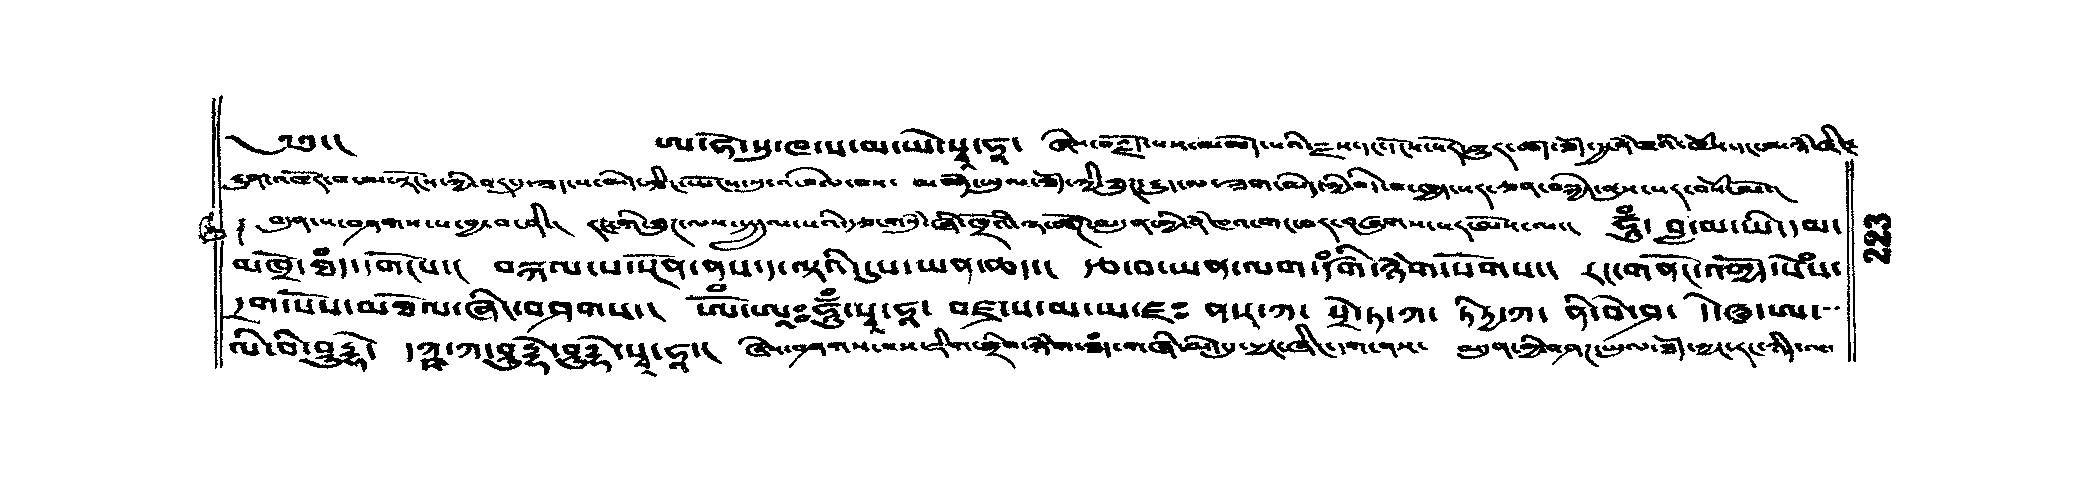ཨ་ཧོ་སུ་ཁ་ས་མ་ཡེ་སྭཱ་ཧཱ། ཞེས་བརྗོད་པས་མཆོད་པའི་རྫས་དང་དངོས་པོར་གྱུར་ཚད་ཐམས་ཅད་རྒྱ་ནམ་མཁའི་ཁམས་དང་མཉམ་ཞིང་
རྒྱུན་འཁོར་བ་མ་སྟོངས་ཀྱི་བར་དུ་ཟད་པ་མེད་ཅིང་ཡོངས་སུ་འཕེལ་བས། མཆོད་ཡུལ་ཐམས་ཅད་ཀྱི་ཐུགས་རྒྱུད་ལ་ཟག་མེད་ཀྱི་བདེ་བ་ཁྱད་པར་ཅན་བསྐྱེད་ནུས་པར་བསམ་མོ། 
༈ བདུན་པ་བཤགས་པ་བྱ་བ་ནི། རང་གི་ཐུགས་ལས་སྤྲུལ་པའི་རྩ་གསུམ་ཞི་ཁྲོའི་ལྷ་ཚོགས་མདུན་གྱི་ནམ་མཁར་གང་བར་བཞུགས་པར་མོས་ལ། ཧཱུྃ། བླ་མ་ཡི་དམ་
མཁའ་འགྲོ་ཐམས་ཅད་དགོངས། །བསྐལ་བ་སྔོན་ནས་ད་ལྟའི་དུས་ཡན་ཆད། །རྩ་བ་ཡན་ལག་དམ་ཚིག་ཉམས་ཆགས་སོགས། །རང་གནོང་འགྱོད་སེམས་
དྲག་པོས་མཐོལ་ཞིངབཤགས། །ཨོཾ་ཨཱཿཧཱུྃ་སྭཱ་ཧཱ།བཛྲ་ས་མ་ཡ་ཛཿ ར་ར་ཀ། པྲེ་ཏ་ཀ། ཏིཏྱ་ཀ། ནི་བེ་ཤ། དེ་ཝ་ཨ་
ལི་བི་ཤུདྡྷེ། དཀར་ཤུདྡྷེ་ཤུདྡྷེ་སྭཱ་ཧཱ། ཞེས་བཤགས་པས་སྡིག་སྒྲིབ་ཐམས་ཅད་གཞི་མེད་དུ་བྱང་ཞིང་དག་ནས། མདུན་གྱི་བཤགས་ཡུལ་ཐམས་ཅད་ཀྱང་རང་ཉིད་ལ་